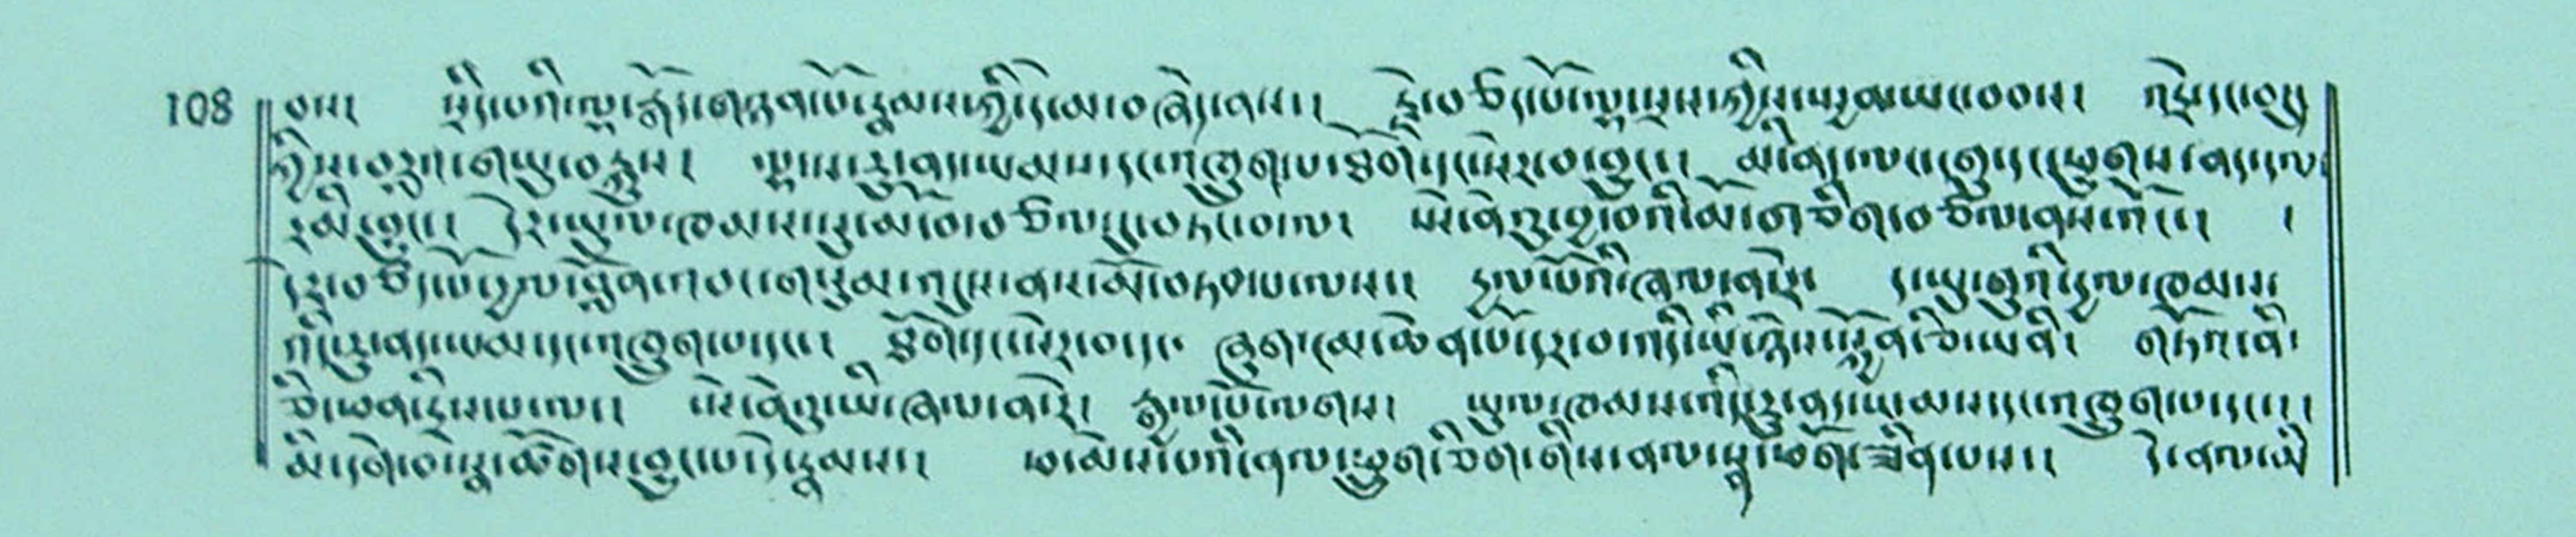བས། བོན་སྲིད་པའི་ལྷ་རྒོད་གཉན་པོ་རྣམས་ཀྱིས་དེ་མ་བཞེད་ནས། རྗེ་བཙད་པོ་ལྷ་སྲས་ཀྱི་སྤྱན་ཡང་བབས། འདྲེ་དང་བདུད་
ཀྱི་བླ་གཡུ་བརྐུས། ལྷ་ས་རུ་ནད་ཡམས་དང་འཁྲུག་པ་དང་ཐོག་དང་སེར་བ་བྱུང་། མི་ནད་ལང་དགུ་དང་ཕྱུགས་ནད་དལ་
རིམས་བྱུང་། དེར་ཡུལ་ཁམས་སུ་མོ་བ་བཙལ་དུ་བཏང་བ་ལ། སྤེ་ནེའུ་བྱ་བའི་མོ་གཅིག་བཙལ་ནས་འོང་། 
དེར་བཙད་པོ་རྒྱལ་བློན་འབངས་གསུམ་འདུས་ནས་མོ་བཏབ་པ་ལ། རྒྱལ་པོའི་ཞལ་ན་རེ། ད་ཡུ་གུའི་རྒྱལ་ཁམས་
འདི་རུ་ནད་ཡམས་དང་འཁྲུག་པ་དང་། ཐོག་དང་སེར་བ་དང་། ཞུགས་ངམ་ཆེན་པོ་དར་བ་འདིའི་ཉེས་སྐྱོན་ཅི་ཡིན། གཏོ་ནི་
ཅི་ཕན་དྲིས་པ་ལ། སྤེ་ནེའུ་ཞལ་ན་རེ། རྒྱལ་བོ་ལགས། ཡུལ་ཁམས་འདི་རུ་ནད་ཡམས་དང་འཁྲུག་པ་དང་། 
མི་དགེ་བ་སྣ་ཚོགས་བྱུང་བ་དེ་རྣམས། ཕ་མེས་པའི་ནལ་ཕྲུག་ཅིག་གིས་ནལ་སྣ་ཕོག་ཟིན་པས། དེར་ནལ་མི་